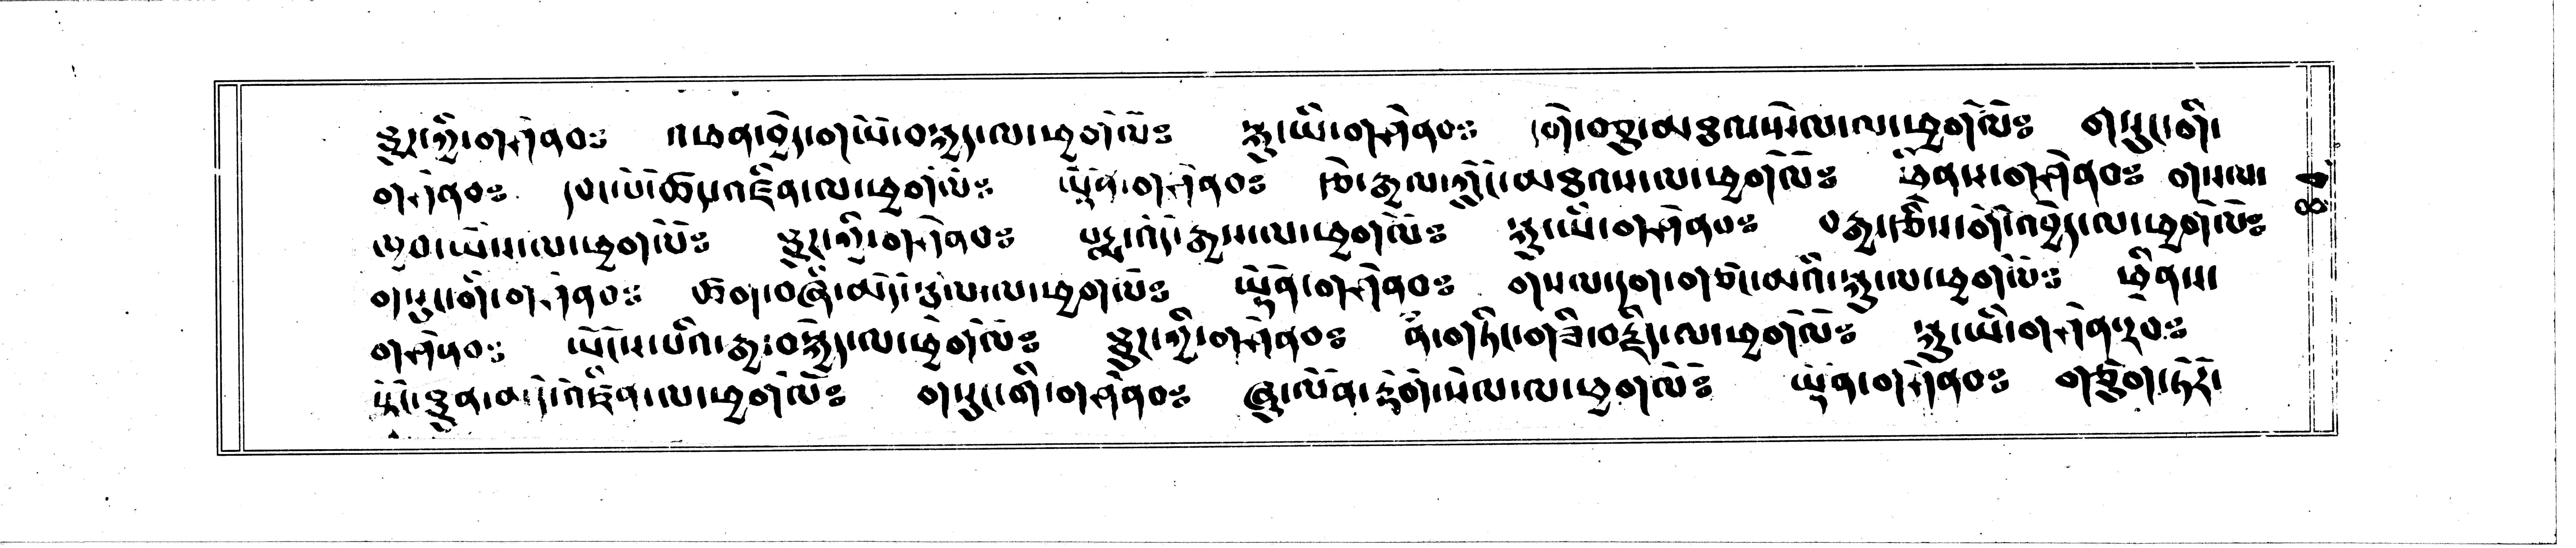ཐུགས་ཀྱི་གཤེན་རབཿ འཕེན་བྱེད་གཡོ་སྐྱེད་ལ་ཕྱག་འཚལ་ལོཿ སྐུ་ཡི་གཤེན་རབཿ དགེ་བཅུ་མཐར་སྤེལ་ལ་ཕྱག་འཚལ་ལོཿ གསུང་གི་
གཤེན་རབ་ལཿ དབང་པོ་ཚད་འཛིན་ལ་ཕྱག་འཚལ་ལོཿ ཡོན་ཏན་གྱི་གཤེན་རབཿ རྩེ་རྒྱལ་ཀློང་མཐའ་ཡས་ལ་ཕྱག་འཚལ་ལོཿ ཕྲིན་ལས་ཀྱི་གཤེན་རབཿ གསས་
ཁྱབ་ཡེ་ཤེས་ལ་ཕྱག་འཚལ་ལོཿ ཐུགས་ཀྱི་གཤེན་རབཿ པད་མ་འོད་རྒྱས་ལ་ཕྱག་འཚལ་ལོཿ སྐུ་ཡི་གཤེན་རབཿ རྒྱ་རྩིས་གོ་འབྱེད་ལ་ཕྱག་འཚལ་ལོཿ
 གསུང་གི་གཤེན་རབ་ལཿ ཚིག་བཞི་མདོ་སྦྲེལ་ལ་ཕྱག་འཚལ་ལོཿ ཡོན་ཏན་གྱི་གཤེན་རབཿ གསལ་དག་གཙང་མའི་སྐུ་ལ་ཕྱག་འཚལ་ལོཿ ཕྲིན་ལས་ཀྱི་
གཤེན་རབཿ ཡངས་པའི་རྒྱ་སྐྱེད་ལ་ཕྱག་འཚལ་ལོཿ ཐུགས་ཀྱི་གཤེན་རབཿ ནམ་ཏིང་གཟི་བརྗིད་ལ་ཕྱག་འཚལ་ལོཿ སྐུ་ཡི་གཤེན་རབཿ 
སྟོང་ཐུན་མདོ་འཛིན་ལ་ཕྱག་འཚལ་ལོཿ གསུང་གི་གཤེན་རབ་ལཿ ཞུ་ལོན་རྟོག་སེལ་ལ་ཕྱག་འཚལ་ལོཿ ཡོན་ཏན་གྱི་གཤེན་རབཿ གཙུག་ཏོར་